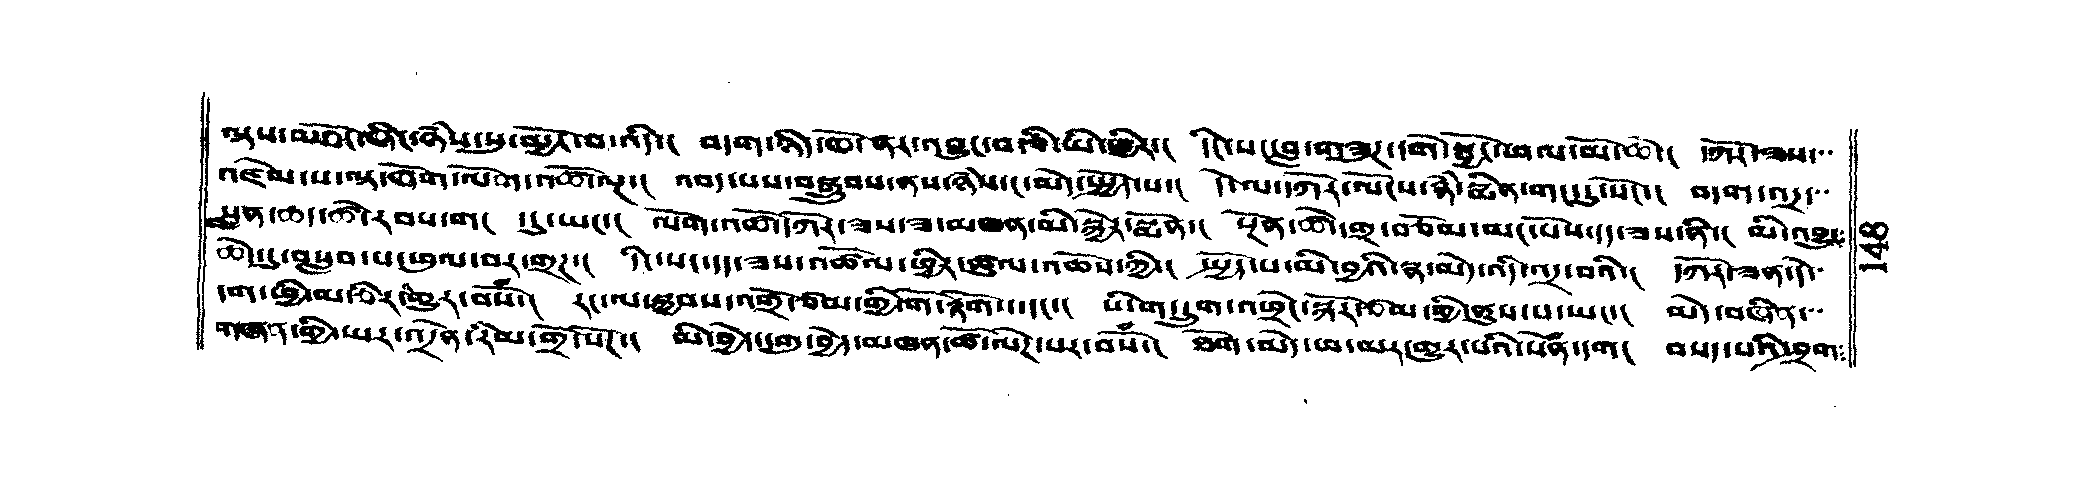ལྟར་མཐོང་ཞིང་ཉམས་སུ་མྱོང་བ་འདི། །བདག་ཉིད་ཁོ་ནར་འབྱུང་བ་ཅི་ཡི་ཕྱིར། །དིང་སང་བླ་གཟུགས་དགེ་སྦྱོང་ཕལ་མོ་ཆེ། །དཀོར་ཟས་
འཛེམ་པ་ལྟ་ཞོག་ལོག་འཚོ་ལྔ། །འབད་པས་བསྒྲུབས་ནས་ཉམས་ང་མེད་སྤྱོད་པ། །དེ་ལ་དཀོར་ལྷོངས་རྣམ་སྨིན་གང་དུ་སོང་། །བདག་འདྲ་
སླན་ཆད་ཚེ་རབས་གང་དུ་ཡང་། །ལོག་འཚོ་དཀོར་ཟས་ཟ་མཁན་མི་སྐྱེར་སྨོན། །སྔོན་ཚེ་དགྲ་བཅོམ་མང་པོས་དད་ཟས་ནི། །མི་འབྱུང་
ཆེད་དུ་བསླབ་པ་ཕུལ་བར་གྲགས། །དིང་སང་དད་ཟས་འཚོལ་ཕྱིར་ཚུལ་འཆོས་ཀྱི། །སྤྱོད་པ་མི་བྱའི་སྣ་མེད་འདི་འདྲ་བའི། །དཀོར་ཟན་དེ་
དག་ཕྱི་མ་ཅིར་འགྱུར་བསོམས། །རང་ལ་སྐྱབས་འགྲོ་ཙམ་གྱི་གོ་རྟོགས་དང་། །ཡིག་དྲུག་འཕྲེང་སྐོར་ཙམ་གྱི་ནུས་པ་ཡང་། །མེད་བཞིན་
གཞན་གྱི་ཡར་འདྲེན་རིམ་གྲོ་སོགས། །མི་བྱེད་དགུ་བྱེད་མཁན་ཚོ་ལེགས་པར་བསོམས། །ཐོག་མེད་ཕ་མར་གྱུར་པའི་སེམས་ཅན་དག།བསད་པའི་ཤ་ཁྲག་